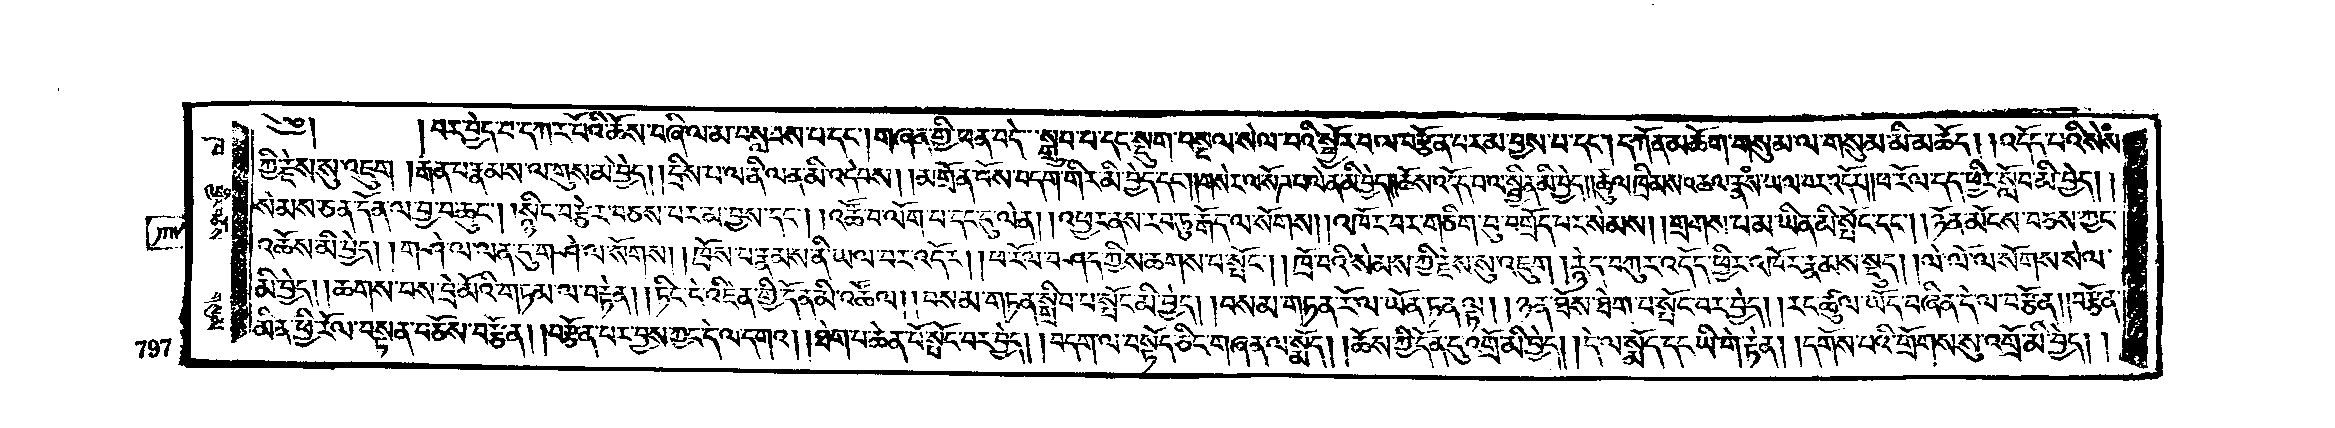༄༅། །བར་བྱེད་པ་དཀར་པོའི་ཆོས་བཞི་ལ་མ་བསླབས་པ་དང་། གཞན་གྱི་ཕན་བདེ་སྒྲུབ་པ་དང་སྡུག་བསྔལ་སེལ་བའི་སྦྱོར་བ་ལ་བརྩོན་པར་མ་བྱས་པ་དང་། དཀོན་མཆོག་གསུམ་ལ་གསུམ་མི་མཆོད། །འདོད་པའི་སེམས་
ཀྱི་རྗེས་སུ་འཇུག །རྒན་པ་རྣམས་ལ་གུས་མི་བྱེད། །དྲིས་པ་ལ་ནི་ལན་མི་འདེབས། །མགྲོན་པོས་བདག་གིར་མི་བྱེད་དང་། །གསེར་ལ་སོགས་པ་ལེན་མི་བྱེད། །ཆོས་འདོད་པ་ལ་སྦྱིན་མི་བྱེད། །ཚུལ་ཁྲིམས་འཆལ་རྣམས་ཡལ་བར་འདོར། །ཕ་རོལ་དད་ཕྱིར་སློབ་མི་བྱེད། །
སེམས་ཅན་དོན་ལ་བྱ་བ་ཆུང་། །སྙིང་བརྩེར་བཅས་པར་མ་བྱས་དང་། །འཚོ་བ་ལོག་པ་དང་དུ་ལེན། །འཕྱར་ནས་རབ་ཏུ་རྒོད་ལ་སོགས། །འཁོར་བར་གཅིག་བུ་བགྲོད་པར་སེམས། །གྲགས་པ་མ་ཡིན་མི་སྤོང་དང་། །ཉོན་མོངས་བཅས་ཀྱང་
འཆོས་མི་བྱེད། །གཤེ་ལ་ལན་དུ་གཤེ་ལ་སོགས། །ཁྲོས་པ་རྣམས་ནི་ཡལ་བར་འདོར། །ཕ་རོལ་བཤད་ཀྱིས་ཆགས་པ་སྤོང་། །ཁྲོ་བའི་སེམས་ཀྱི་རྗེས་སུ་འཇུག །རྙེད་བཀུར་འདོད་ཕྱིར་འཁོར་རྣམས་སྡུད། །ལེ་ལོ་ལ་སོགས་སེལ་
མི་བྱེད། །ཆགས་པས་བྲེ་མོའི་གཏམ་ལ་བརྟེན། །ཏིང་ངེ་འཛིན་གྱི་དོན་མི་འཚོལ། །བསམ་གཏན་སྒྲིབ་པ་སྤོང་མི་བྱེད། །བསམ་གཏན་རོ་ལ་ཡོན་ཏན་ལྟ། །ཉན་ཐོས་ཐེག་པ་སྤོང་བར་བྱེད། །རང་ཚུལ་ཡོད་བཞིན་དེ་ལ་བརྩོན། །བརྩོན་
མིན་ཕྱི་རོལ་བསྟན་བཅོས་བརྩོན། །བརྩོན་པར་བྱས་ཀྱང་དེ་ལ་དགའ། །ཐེག་པ་ཆེན་པོ་སྤོང་བར་བྱེད། །བདག་ལ་བསྟོད་ཅིང་གཞན་ལ་སྨོད། །ཆོས་ཀྱི་དོན་དུ་འགྲོ་མི་བྱེད། །དེ་ལ་སྨོད་དང་ཡི་གེ་རྟེན། །དགོས་པའི་གྲོགས་སུ་འགྲོ་མི་བྱེད། །